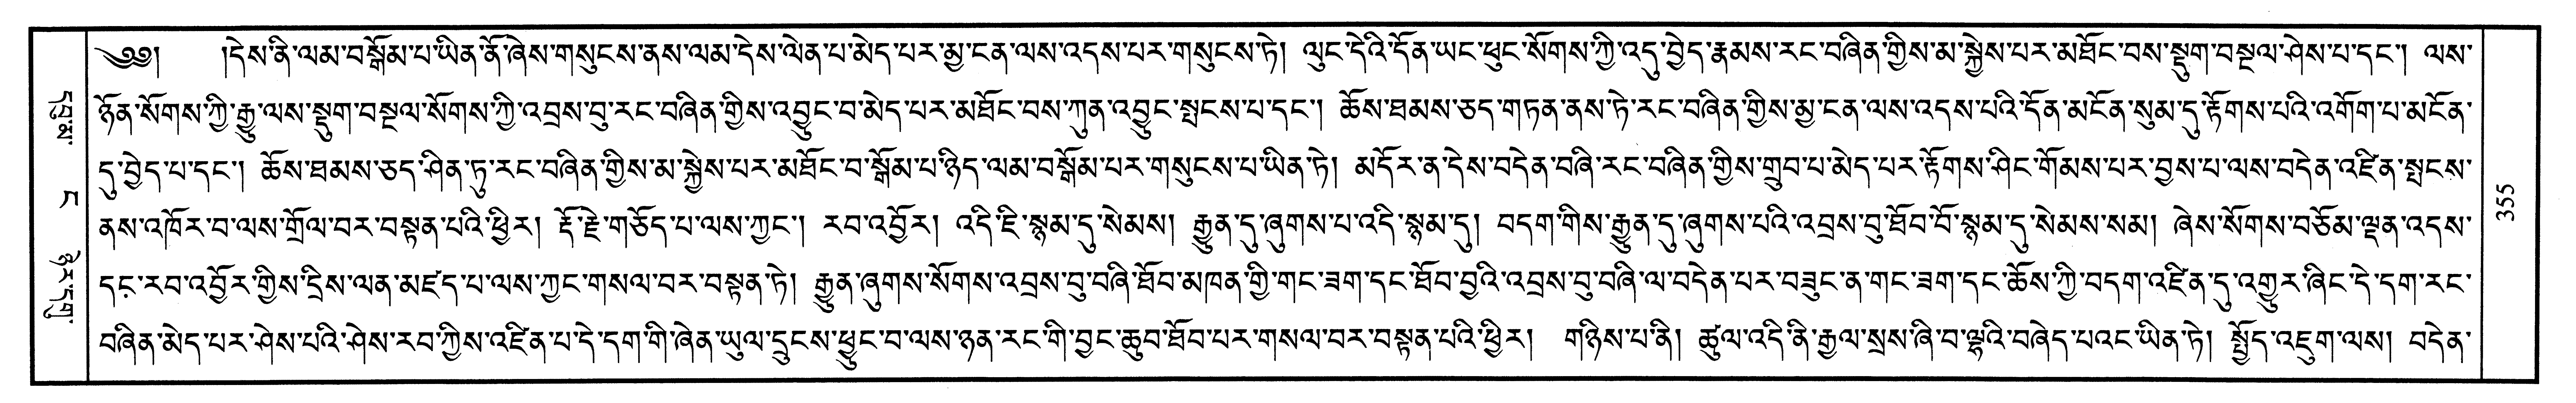༄༅། །དེས་ནི་ལམ་བསྒོམ་པ་ཡིན་ནོ་ཞེས་གསུངས་ནས་ལམ་དེས་ལེན་པ་མེད་པར་མྱ་ངན་ལས་འདས་པར་གསུངས་ཏེ། ལུང་དེའི་དོན་ཡང་ཕུང་སོགས་ཀྱི་འདུ་བྱེད་རྣམས་རང་བཞིན་གྱིས་མ་སྐྱེས་པར་མཐོང་བས་སྡུག་བསྔལ་ཤེས་པ་དང་། ལས་
ཉོན་སོགས་ཀྱི་རྒྱུ་ལས་སྡུག་བསྔལ་སོགས་ཀྱི་འབྲས་བུ་རང་བཞིན་གྱིས་འབྱུང་བ་མེད་པར་མཐོང་བས་ཀུན་འབྱུང་སྤངས་པ་དང་། ཆོས་ཐམས་ཅད་གཏན་ནས་ཏེ་རང་བཞིན་གྱིས་མྱ་ངན་ལས་འདས་པའི་དོན་མངོན་སུམ་དུ་རྟོགས་པའི་འགོག་པ་མངོན་
དུ་བྱེད་པ་དང་། ཆོས་ཐམས་ཅད་ཤིན་ཏུ་རང་བཞིན་གྱིས་མ་སྐྱེས་པར་མཐོང་བ་སྒོམ་པ་ཉིད་ལམ་བསྒོམ་པར་གསུངས་པ་ཡིན་ཏེ། མདོར་ན་དེས་བདེན་བཞི་རང་བཞིན་གྱིས་གྲུབ་པ་མེད་པར་རྟོགས་ཤིང་གོམས་པར་བྱས་པ་ལས་བདེན་འཛིན་སྤངས་
ནས་འཁོར་བ་ལས་གྲོལ་བར་བསྟན་པའི་ཕྱིར། རྡོ་རྗེ་གཅོད་པ་ལས་ཀྱང་། རབ་འབྱོར། འདི་ཇི་སྙམ་དུ་སེམས། རྒྱུན་དུ་ཞུགས་པ་འདི་སྙམ་དུ། བདག་གིས་རྒྱུན་དུ་ཞུགས་པའི་འབྲས་བུ་ཐོབ་བོ་སྙམ་དུ་སེམས་སམ། ཞེས་སོགས་བཅོམ་ལྡན་འདས་
དང་རབ་འབྱོར་གྱིས་དྲིས་ལན་མཛད་པ་ལས་ཀྱང་གསལ་བར་བསྟན་ཏེ། རྒྱུན་ཞུགས་སོགས་འབྲས་བུ་བཞི་ཐོབ་མཁན་གྱི་གང་ཟག་དང་ཐོབ་བྱའི་འབྲས་བུ་བཞི་ལ་བདེན་པར་བཟུང་ན་གང་ཟག་དང་ཆོས་ཀྱི་བདག་འཛིན་དུ་འགྱུར་ཞིང་དེ་དག་རང་
བཞིན་མེད་པར་ཤེས་པའི་ཤེས་རབ་ཀྱིས་འཛིན་པ་དེ་དག་གི་ཞེན་ཡུལ་དྲུངས་ཕྱུང་བ་ལས་ཉན་རང་གི་བྱང་ཆུབ་ཐོབ་པར་གསལ་བར་བསྟན་པའི་ཕྱིར། གཉིས་པ་ནི། ཚུལ་འདི་ནི་རྒྱལ་སྲས་ཞི་བ་ལྷའི་བཞེད་པའང་ཡིན་ཏེ། སྤྱོད་འཇུག་ལས། བདེན་